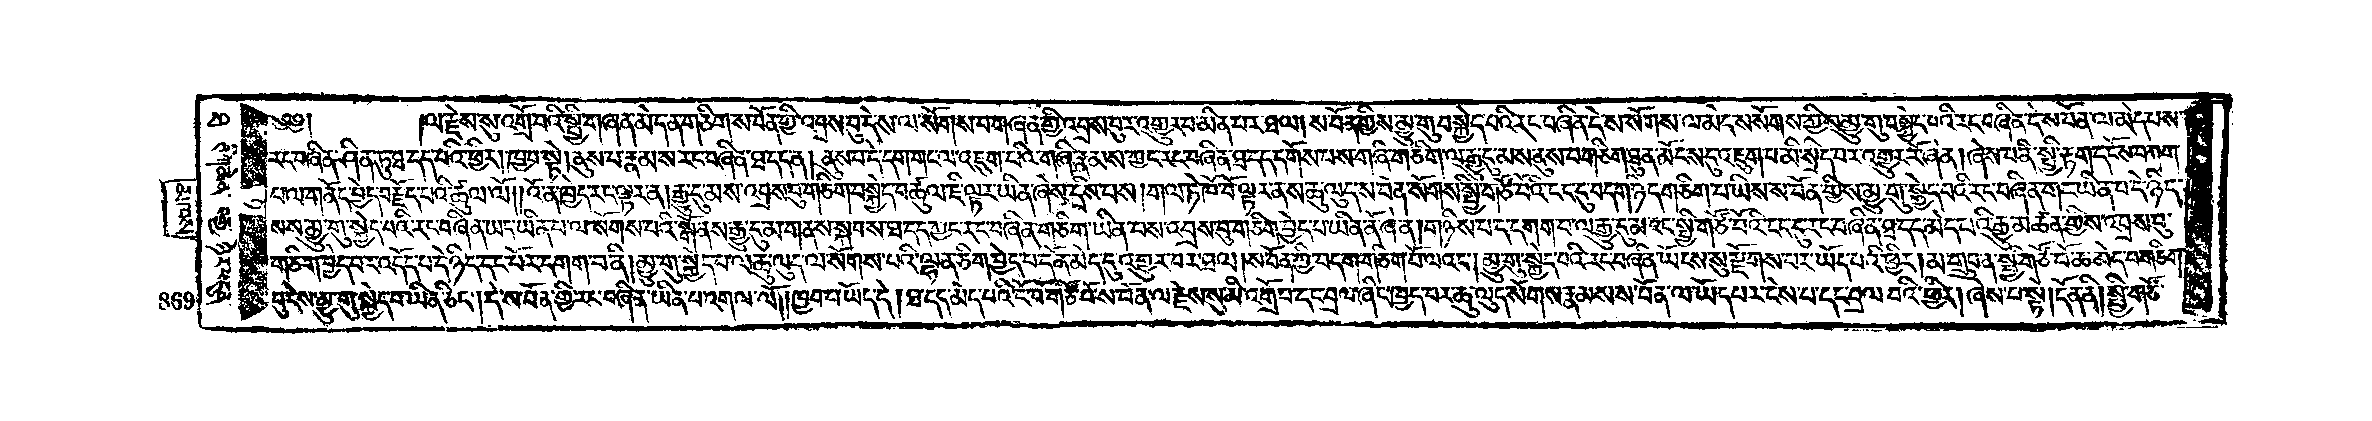༄༅། །ལ་རྗེས་སུ་འགྲོ་བའི་སྤྱི་གཞན་མེད་ན་གཅིག་ས་བོན་གྱི་འབྲས་བུ་དེ་ས་ལ་སོགས་པ་གཞན་གྱི་འབྲས་བུར་འགྱུར་བ་མིན་པར་ཐལ། ས་བོན་གྱིས་མྱུ་གུ་བསྐྱེད་པའི་རང་བཞིན་དེ་ས་སོགས་ལ་མེད་ས་སོགས་ཀྱིས་མྱུ་གུ་བསྐྱེད་པའི་རང་བཞིན་དེ་ས་བོན་ལ་མེད་པས་
རང་བཞིན་ཤིན་ཏུ་ཐ་དད་པའི་ཕྱིར། ཁྱབ་སྟེ། ནུས་པ་རྣམས་རང་བཞིན་ཐ་དད་ན། ནུས་པ་དེ་དག་གང་ལ་འཇུག་པའི་གཞི་རྣམས་ཀྱང་རང་བཞིན་ཐ་དད་དགོས་པས་གཞི་གཅིག་ལ་རྒྱུ་དུ་མས་ནུས་བ་གཅིག་ཐུན་མོངས་དུ་འཇུག་པ་མི་སྲིད་པར་འགྱུར་རོ་ཞེ་ན། ཞེས་པ་ནི་སྤྱི་རྟག་དངོས་བཀག་
པ་ལ་གནོད་བྱེད་བརྗོད་པའི་ཚུལ་ལོ། །འོ་ན་ཁྱེད་རང་ལྟར་ན། རྒྱུ་དུ་མས་འབྲས་བུ་གཅིག་བསྐྱེད་བ་ཚུལ་ཇི་ལྟར་ཡིན་ཞེས་དྲིས་པས། གལ་ཏེ་ཁོ་བོ་ལྟར་ན་ས་ཆུ་ལུད་ས་བོན་སོགས་སྤྱི་གཙོ་བོའི་ངང་དུ་བདག་ཉིད་གཅིག་པ་ཡིས་ས་བོན་གྱིས་མྱུ་གུ་སྐྱེད་པའི་རང་བཞིན་གང་ཡིན་པ་དེ་ཉིད་
སས་མྱུ་གུ་སྐྱེད་པའི་རང་བཞིན་ཡང་ཡིན་པ་ལ་སོགས་པའི་སྒོ་ནས་རྒྱུ་དུ་མ་གནས་སྐབས་ཐ་དད་ཀྱང་རང་བཞིན་གཅིག་ཡིན་པའི་འབྲས་བུ་གཅིག་བྱེད་པ་ཡིན་ནོ་ཞེ་ན། གཉིས་པ་དེ་དགག་པ་ལ་རྒྱུ་དུ་མའང་སྤྱི་གཙོ་བོའི་ངང་དུ་རང་བཞིན་ཐ་དད་མེད་པའི་རྒྱུ་མཚན་གྱིས་འབྲས་བུ་
གཅིག་བྱེད་པར་འདོད་པ་དེ་ཉིད་དང་པོར་དགག་པ་ནི། མྱུ་གུ་སྐྱེད་པ་ལ་ཆུ་ལུད་ལ་སོགས་པའི་ལྷན་ཅིག་བྱེད་པ་དོན་མེད་དུ་འགྱུར་བར་ཐལ། ས་བོན་གྱི་བདག་གཅིག་པོ་ལའང་། མྱུ་གུ་སྐྱེད་པའི་རང་བཞིན་ཡོངས་སུ་རྫོགས་པར་ཡོད་པའི་ཕྱིར། མ་གྲུབ་ན་སྤྱི་གཙོ་བོ་ཆ་མེད་པ་གཅིག་
བུ་ངེས་མྱུ་གུ་སྐྱེད་པ་ཡིན་ཅིང་། དེ་ས་བོན་གྱི་རང་བཞིན་ཡིན་པ་འགལ་ལོ། །ཁྱབ་པ་ཡོད་དེ། ཐ་དད་མེད་པའི་ངོ་བོ་གཙོ་བོ་ས་བོན་ལ་རྗེས་སུ་མི་འགྲོ་བ་དང་བྲལ་ཞིང་ཁྱད་པར་ཆུ་ལུད་སོགས་རྣམས་ས་བོན་ལ་ཡོད་པར་ངེས་པ་དང་བྲལ་བའི་ཕྱིར། ཞེས་པ་སྟེ། དོན་ནི། སྤྱི་གཙོ་